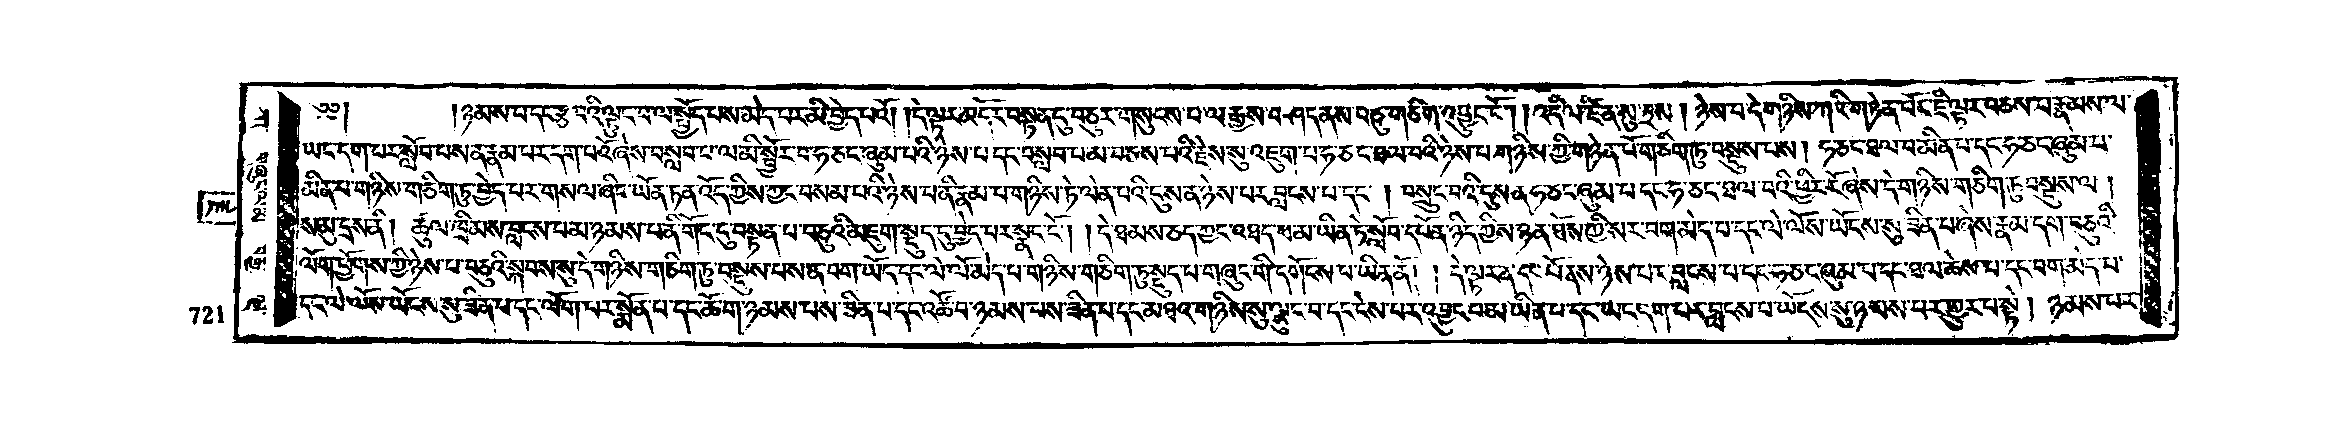༄༅། །ཉམས་པ་དང་རྩ་བའི་ལྟུང་བ་ལ་སྤྱོད་པས་མེད་པར་མི་བྱེད་པའོ། །དེ་ལྟར་མདོར་བསྟན་དུ་བཅུར་གསུངས་པ་ལ་རྒྱས་བཤད་ནས་བཅུ་གཅིག་འབྱུང་ངོ། །འདི་ལ་ཛི་ན་སུ་ཏྲས། ཉེས་པ་དེ་གཉིས་ཀའི་གཉེན་པོར་ཇི་ལྟར་བཅས་པ་རྣམས་ལ་
ཡང་དག་པར་སློབ་པས་ན་རྣམ་པར་དག་པའོ་ཞེས་བསླབ་པ་ལ་མི་སྦྱོར་བ་ཧ་ཅང་ཞུམ་པའི་ཉེས་པ་དང་བསླབ་པ་མ་བཅས་པའི་རྗེས་སུ་འཇུག་པ་ཧ་ཅང་ཐལ་བའི་ཉེས་པ་གཉིས་ཀྱི་གཉེན་པོ་གཅིག་ཏུ་བསྡུས་པས། ཧ་ཅང་ཐལ་བ་མིན་པ་དང་ཧ་ཅང་ཞུམ་པ་
མིན་པ་གཉིས་གཅིག་ཏུ་བྱེད་པར་གསལ་ཞིང་ཡོན་ཏན་འོད་ཀྱིས་ཀྱང་བསམ་པའི་ཉེས་པ་ནི་རྣམ་པ་གཉིས་ཏེ་ལེན་པའི་དུས་ན་ཉེས་པར་བླངས་པ་དང་། བསྲུང་བའི་དུས་ན་ཧ་ཅང་ཞུམ་པ་དང་ཧ་ཅང་ཐལ་བའི་ཕྱིར་རོ་ཞེས་དེ་གཉིས་གཅིག་ཏུ་བསྡུས་ལ།
ས་མུ་དྲས་ནི། ཚུལ་ཁྲིམས་བླངས་པ་མ་ཉམས་པ་ནི་གོང་དུ་བསྟན་པ་བཅུའི་མཇུག་སྡུད་དུ་བྱེད་པར་སྣང་ངོ། །དེ་ཐམས་ཅད་ཀྱང་འཐད་པ་མ་ཡིན་ཏེ་སློབ་དཔོན་ཉིད་ཀྱིས་ཉན་ཐོས་ཀྱི་སར་བག་མེད་པ་དང་ལེ་ལོས་ཡོངས་སུ་ཟིན་པ་ཞེས་རྣམ་དག་བཅུའི་
ལོག་ཕྱོགས་ཀྱི་ཉེས་པ་བཅུའི་སྐབས་སུ་དེ་གཉིས་གཅིག་ཏུ་བསྡུས་པས་ན་བག་ཡོད་དང་ལེ་ལོ་མེད་པ་གཉིས་གཅིག་ཏུ་སྡུད་པ་གཞུང་གི་དགོངས་པ་ཡིན་ནོ། །དེ་ལྟར་ན་དང་པོ་ནས་ཉེས་པར་བླངས་པ་དང་ཧ་ཅང་ཞུམ་པ་དང་ཐལ་ཆེས་པ་དང་བག་མེད་པ་
དང་ལེ་ལོས་ཡོངས་སུ་ཟིན་པ་ལོག་པར་སྨོན་པ་ཆོ་ག་ཉམས་པས་ཟིན་པ་དང་འཚོ་བ་ཉམས་པས་ཟིན་པ་དང་མཐའ་གཉིས་སུ་ལྷུང་བ་དང་ངེས་པར་འབྱུང་བ་མ་ཡིན་པ་དང་ཡང་དག་པར་བླངས་པ་ཡོངས་སུ་ཉམས་པར་གྱུར་པ་སྟེ། ཉམས་པར་